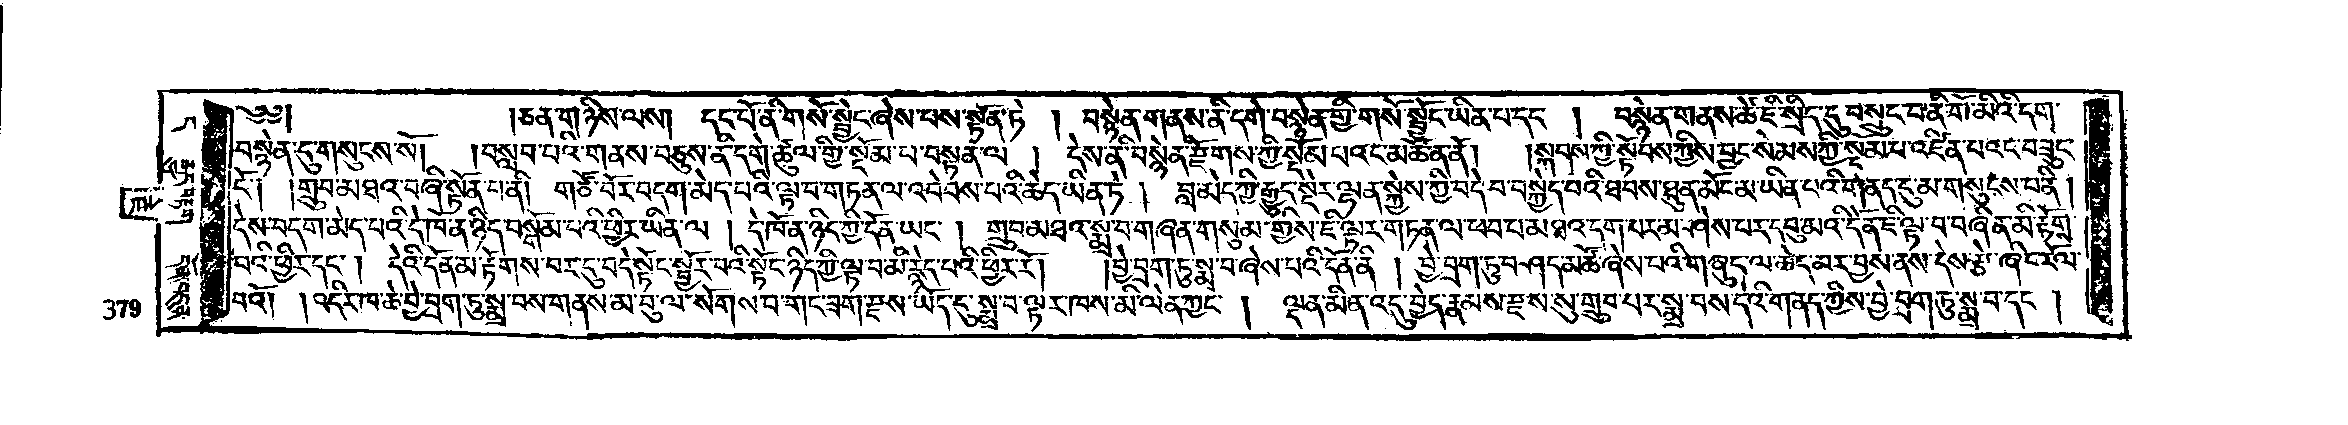༄༅། །ཅན་གཉིས་ལས། དང་པོ་ནི་གསོ་སྦྱོང་ཞེས་པས་སྟོན་ཏེ། བསྙེན་གནས་ནི་དགེ་བསྙེན་གྱི་གསོ་སྦྱོང་ཡིན་པ་དང་། བསྙེན་གནས་ཚེ་ཇི་སྲིད་དུ་བསྲུང་བ་ནི་གོ་མའི་དག་
བསྙེན་དུ་གསུངས་སོ། །བསླབ་པའི་གནས་བཅུས་ནི་དགེ་ཚུལ་གྱི་སྡོམ་པ་བསྟན་ལ། དེས་ནི་བསྙེན་རྫོགས་ཀྱི་སྡོམ་པའང་མཚོན་ནོ། །སྐབས་ཀྱི་སྟོབས་ཀྱིས་བྱང་སེམས་ཀྱི་སྡོམ་པ་འཛིན་པའང་བཟུང་
ངོ། །གྲུབ་མཐའ་བཞི་སྟོན་པ་ནི། གཙོ་བོར་བདག་མེད་པའི་ལྟ་བ་གཏན་ལ་འབེབས་པའི་ཆེད་ཡིན་ཏེ། བླ་མེད་ཀྱི་རྒྱུད་སྡེར་ལྷན་སྐྱེས་ཀྱི་བདེ་བ་བསྐྱེད་པའི་ཐབས་ཐུན་མོང་མ་ཡིན་པའི་གནད་དུ་མ་གསུངས་པ་ནི།
དེས་བདག་མེད་པའི་དེ་ཁོ་ན་ཉིད་བསྒོམ་པའི་ཕྱིར་ཡིན་ལ། དེ་ཁོ་ན་ཉིད་ཀྱི་དོན་ཡང་། གྲུབ་མཐའ་སྨྲ་བ་གཞན་གསུམ་གྱིས་ཇི་ལྟར་གཏན་ལ་ཕབ་པ་མཐའ་དག་པར་མ་ཤེས་པར་དབུ་མའི་དོན་ཇི་ལྟ་བ་བཞིན་མི་རྟོགས་
པའི་ཕྱིར་དང་། དེའི་དོན་མ་རྟོགས་པར་དུ་བདེ་སྟོང་སྦྱོར་བའི་སྟོང་ཉིད་ཀྱི་ལྟ་བ་མི་རྙེད་པའི་ཕྱིར་རོ། །བྱེ་བྲག་ཏུ་སྨྲ་བ་ཞེས་པའི་དོན་ནི། བྱེ་བྲག་ཏུ་བཤད་མཚོ་ཞེས་པའི་གཞུང་ལ་ཆེད་མར་བྱས་ནས་དེས་རྩེ་ཞིང་རོལ་
བའོ། །འདིར་ཁ་ཆེ་བྱེ་བྲག་ཏུ་སྨྲ་བས་གནས་མ་བུ་ལ་སོགས་པ་གང་ཟག་རྫས་ཡོད་དུ་སྨྲ་བ་ལྟར་ཁས་མི་ལེན་ཀྱང་། ལྡན་མིན་འདུ་བྱེད་རྣམས་རྫས་སུ་གྲུབ་པར་སྨྲ་བས་དེའི་གནད་ཀྱིས་བྱེ་བྲག་ཏུ་སྨྲ་བ་དང་།